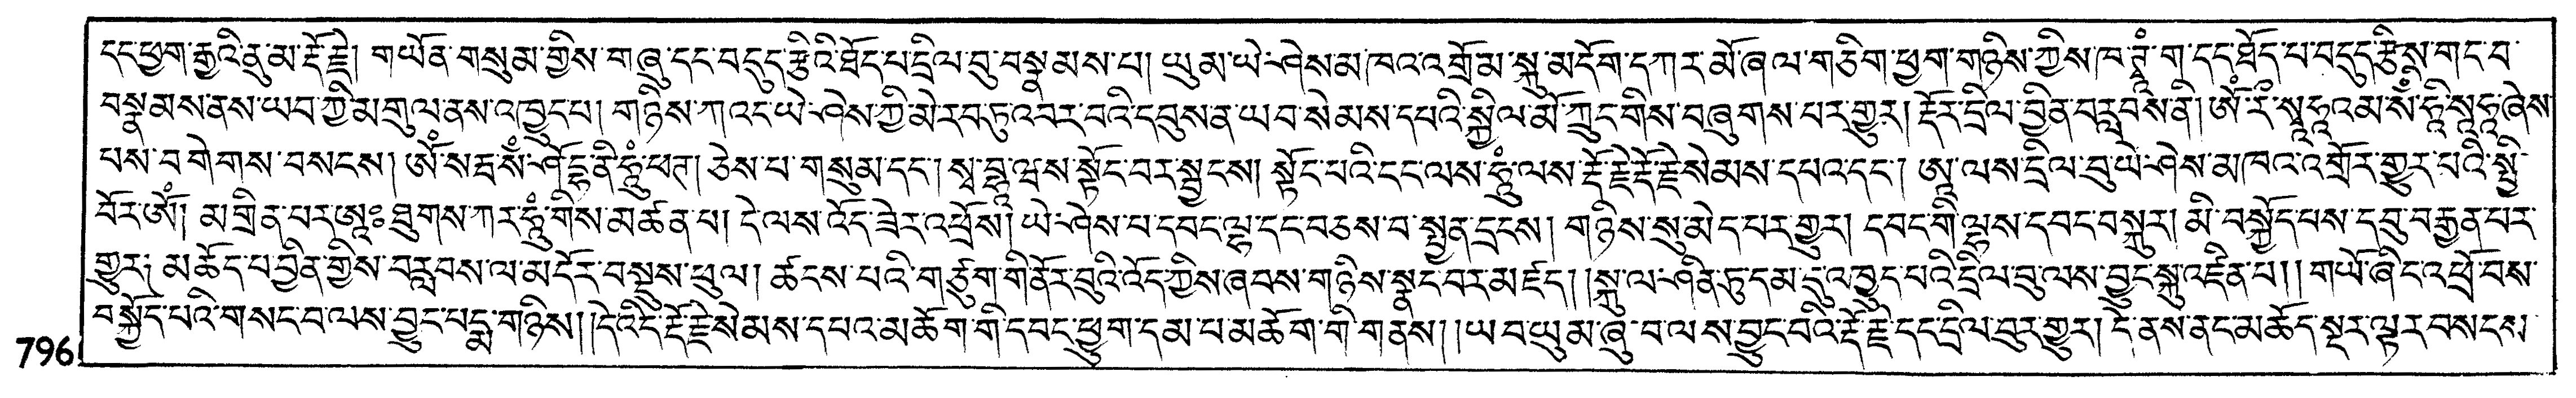དང་ཕྱག་རྒྱའི་ནུ་མ་རྡོ་རྗེ། གཡོན་གསུམ་གྱིས་གཞུ་དང་བདུད་རྩིའི་ཐོད་པ་དྲིལ་བུ་བསྣམས་པ། ཡུམ་ཡེ་ཤེས་མཁའ་འགྲོ་མ་སྐུ་མདོག་དཀར་མོ་ཞལ་གཅིག་ཕྱག་གཉིས་ཀྱིས་ཁ་ཊྭཱཾ་ག་དང་ཐོད་པ་བདུད་རྩིས་གང་བ་
བསྣམས་ནས་ཡབ་ཀྱི་མགུལ་ནས་འཁྱུད་པ། གཉིས་ཀའང་ཡེ་ཤེས་ཀྱི་མེ་རབ་ཏུ་འབར་བའི་དབུས་ན་ཡབ་སེམས་དཔའི་སྐྱིལ་མོ་ཀྲུང་གིས་བཞུགས་པར་གྱུར། རྡོར་དྲིལ་བྱིན་བརླབས་ནི། ཨོཾ་རྀ་སྭཱ་ཧཱའམ་སཾ་ཧཱི་སཱཧཱ་ཞེས་
པས་བགེགས་བསངས། ཨོཾ་སརྦ་སཾ་ཤོ་དྷ་ནི་ཧཱུཾ་ཕཊ། ཅེས་པ་གསུམ་དང་། སྭ་བྷཱ་ཝས་སྟོང་བར་སྦྱངས། སྟོང་པའི་ངང་ལས་ཧཱུཾ་ལས་རྡོ་རྗེ་རྡོ་རྗེ་སེམས་དཔའ་དང་། ཨཱ་ལས་དྲིལ་བུ་ཡེ་ཤེས་མཁའ་འགྲོར་གྱུར་པའི་སྤྱི་
བོར་ཨོཾ། མགྲིན་པར་ཨཱཿ ཐུགས་ཀར་ཧཱུཾ་གིས་མཚན་པ། དེ་ལས་འོད་ཟེར་འཕྲོས། ཡེ་ཤེས་པ་དབང་ལྷ་དང་བཅས་པ་སྤྱན་དྲངས། གཉིས་སུ་མེད་པར་གྱུར། དབང་གི་ལྷས་དབང་བསྐུར། མི་བསྐྱོད་པས་དབུ་བརྒྱན་པར་
གྱུར༑ མཆོད་པ་བྱིན་གྱིས་བརླབས་ལ་མདོར་བསྡུས་ཕུལ། ཚངས་པའི་གཙུག་གི་ནོར་བུའི་འོད་ཀྱིས་ཞབས་གཉིས་སྣང་བར་མཛད། །སྐུ་ལ་ཤིན་ཏུ་དམ་དུ་འཁྱུད་པའི་དྲིལ་བུ་ལས་བྱུང་སྐུ་འཛིན་པ། །གཡོ་ཞིང་འཕྲོ་བས་
བསྐྱོད་པའི་གསང་བ་ལས་བྱུང་པདམ་གཉིས། །དེ་འདི་རྡོ་རྗེ་སེམས་དཔའ་མཆོག་གི་དབང་ཕྱུག་དམ་པ་མཆོག་གི་གནས། །ཡབ་ཡུམ་ཞུ་བ་ལས་བྱུང་བའི་རྡོ་རྗེ་དང་དྲིལ་བུར་གྱུར། དེ་ནས་ནང་མཆོད་སྔར་ལྟར་བསངས་